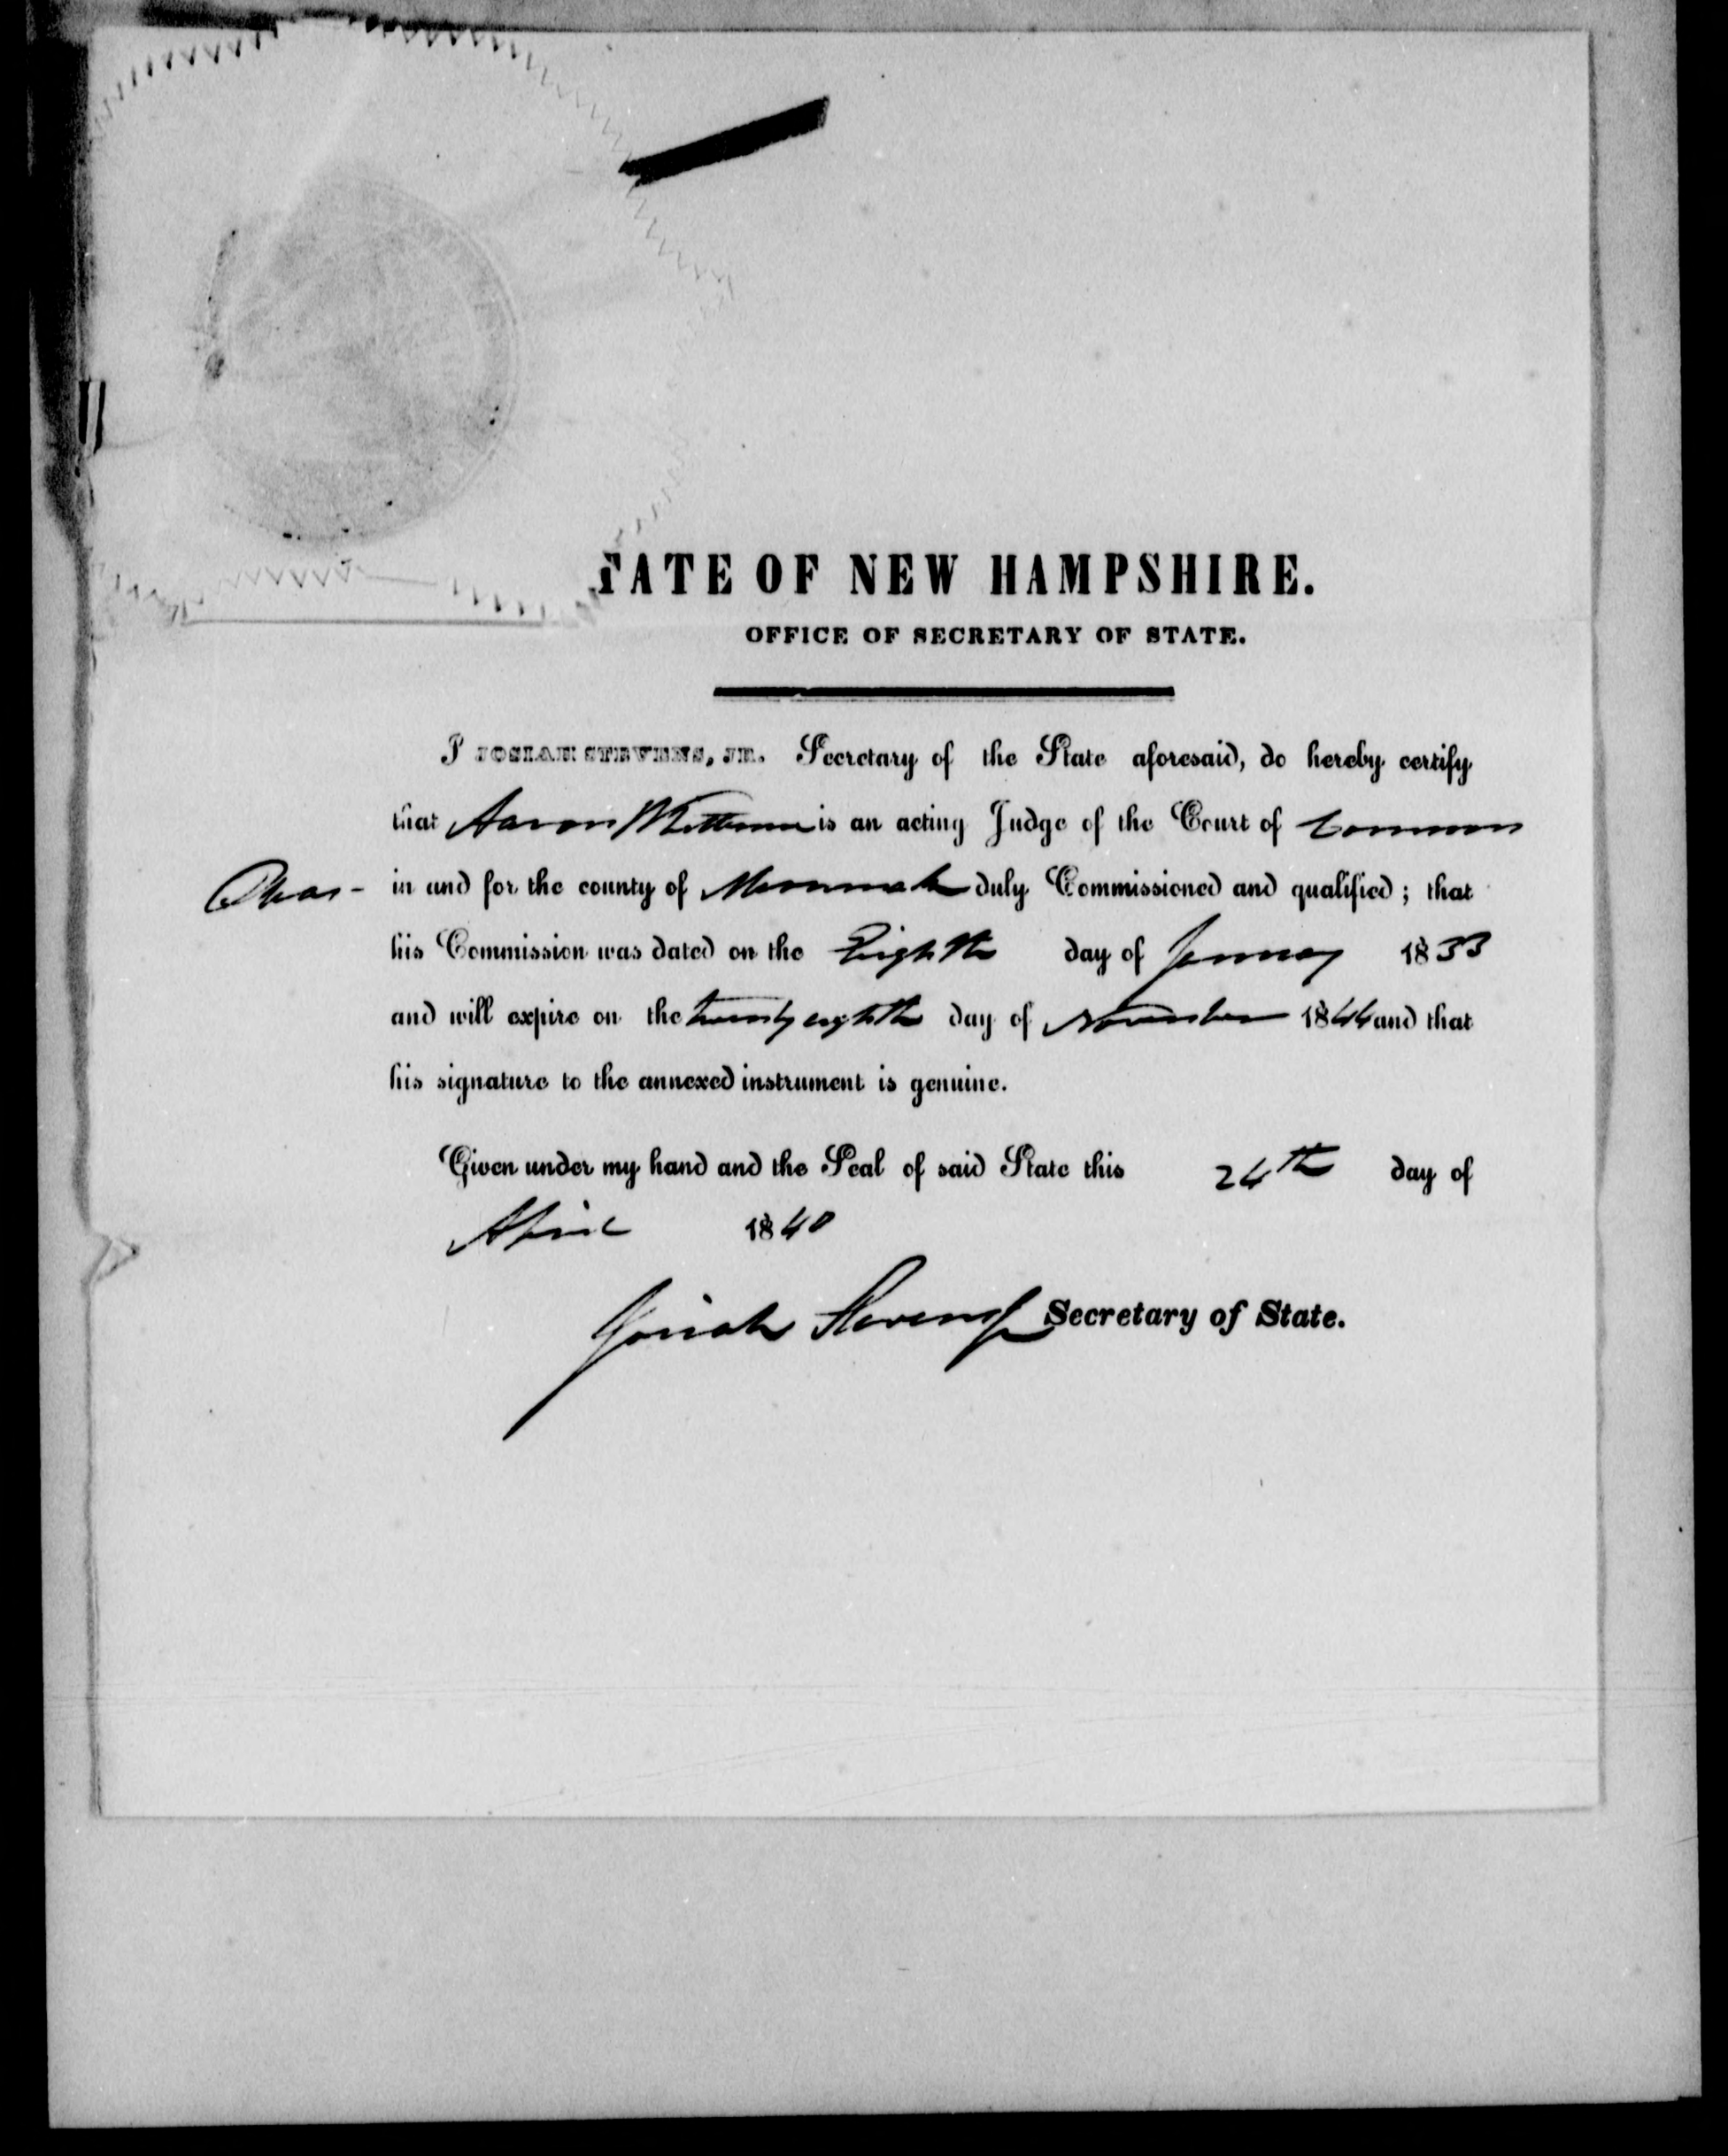State of New Hampshire
Office of Secretary of State

I Josiah Stevens, Jr. Secretary of State aforesaid, do hereby certify that Aaron Whittemore is an acting Judge of the Court of common in and for the county of Monmouth duly Commissioned and qualified; that his Commission was dated on the eighth day of January 1833 and will expire on the twenty-eighth day of November 1846 and that his signature is the annexed instrument is genuine.
Given under my hand and the Seal of said State this 26th day of April 1940
Josiah Stevens, Secreatary of State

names: Aaron Whittemore, Josiah Stevens, Josiah Stevens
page: 8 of 24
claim: widow's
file: W. 16,451, Abraham True, N.H.